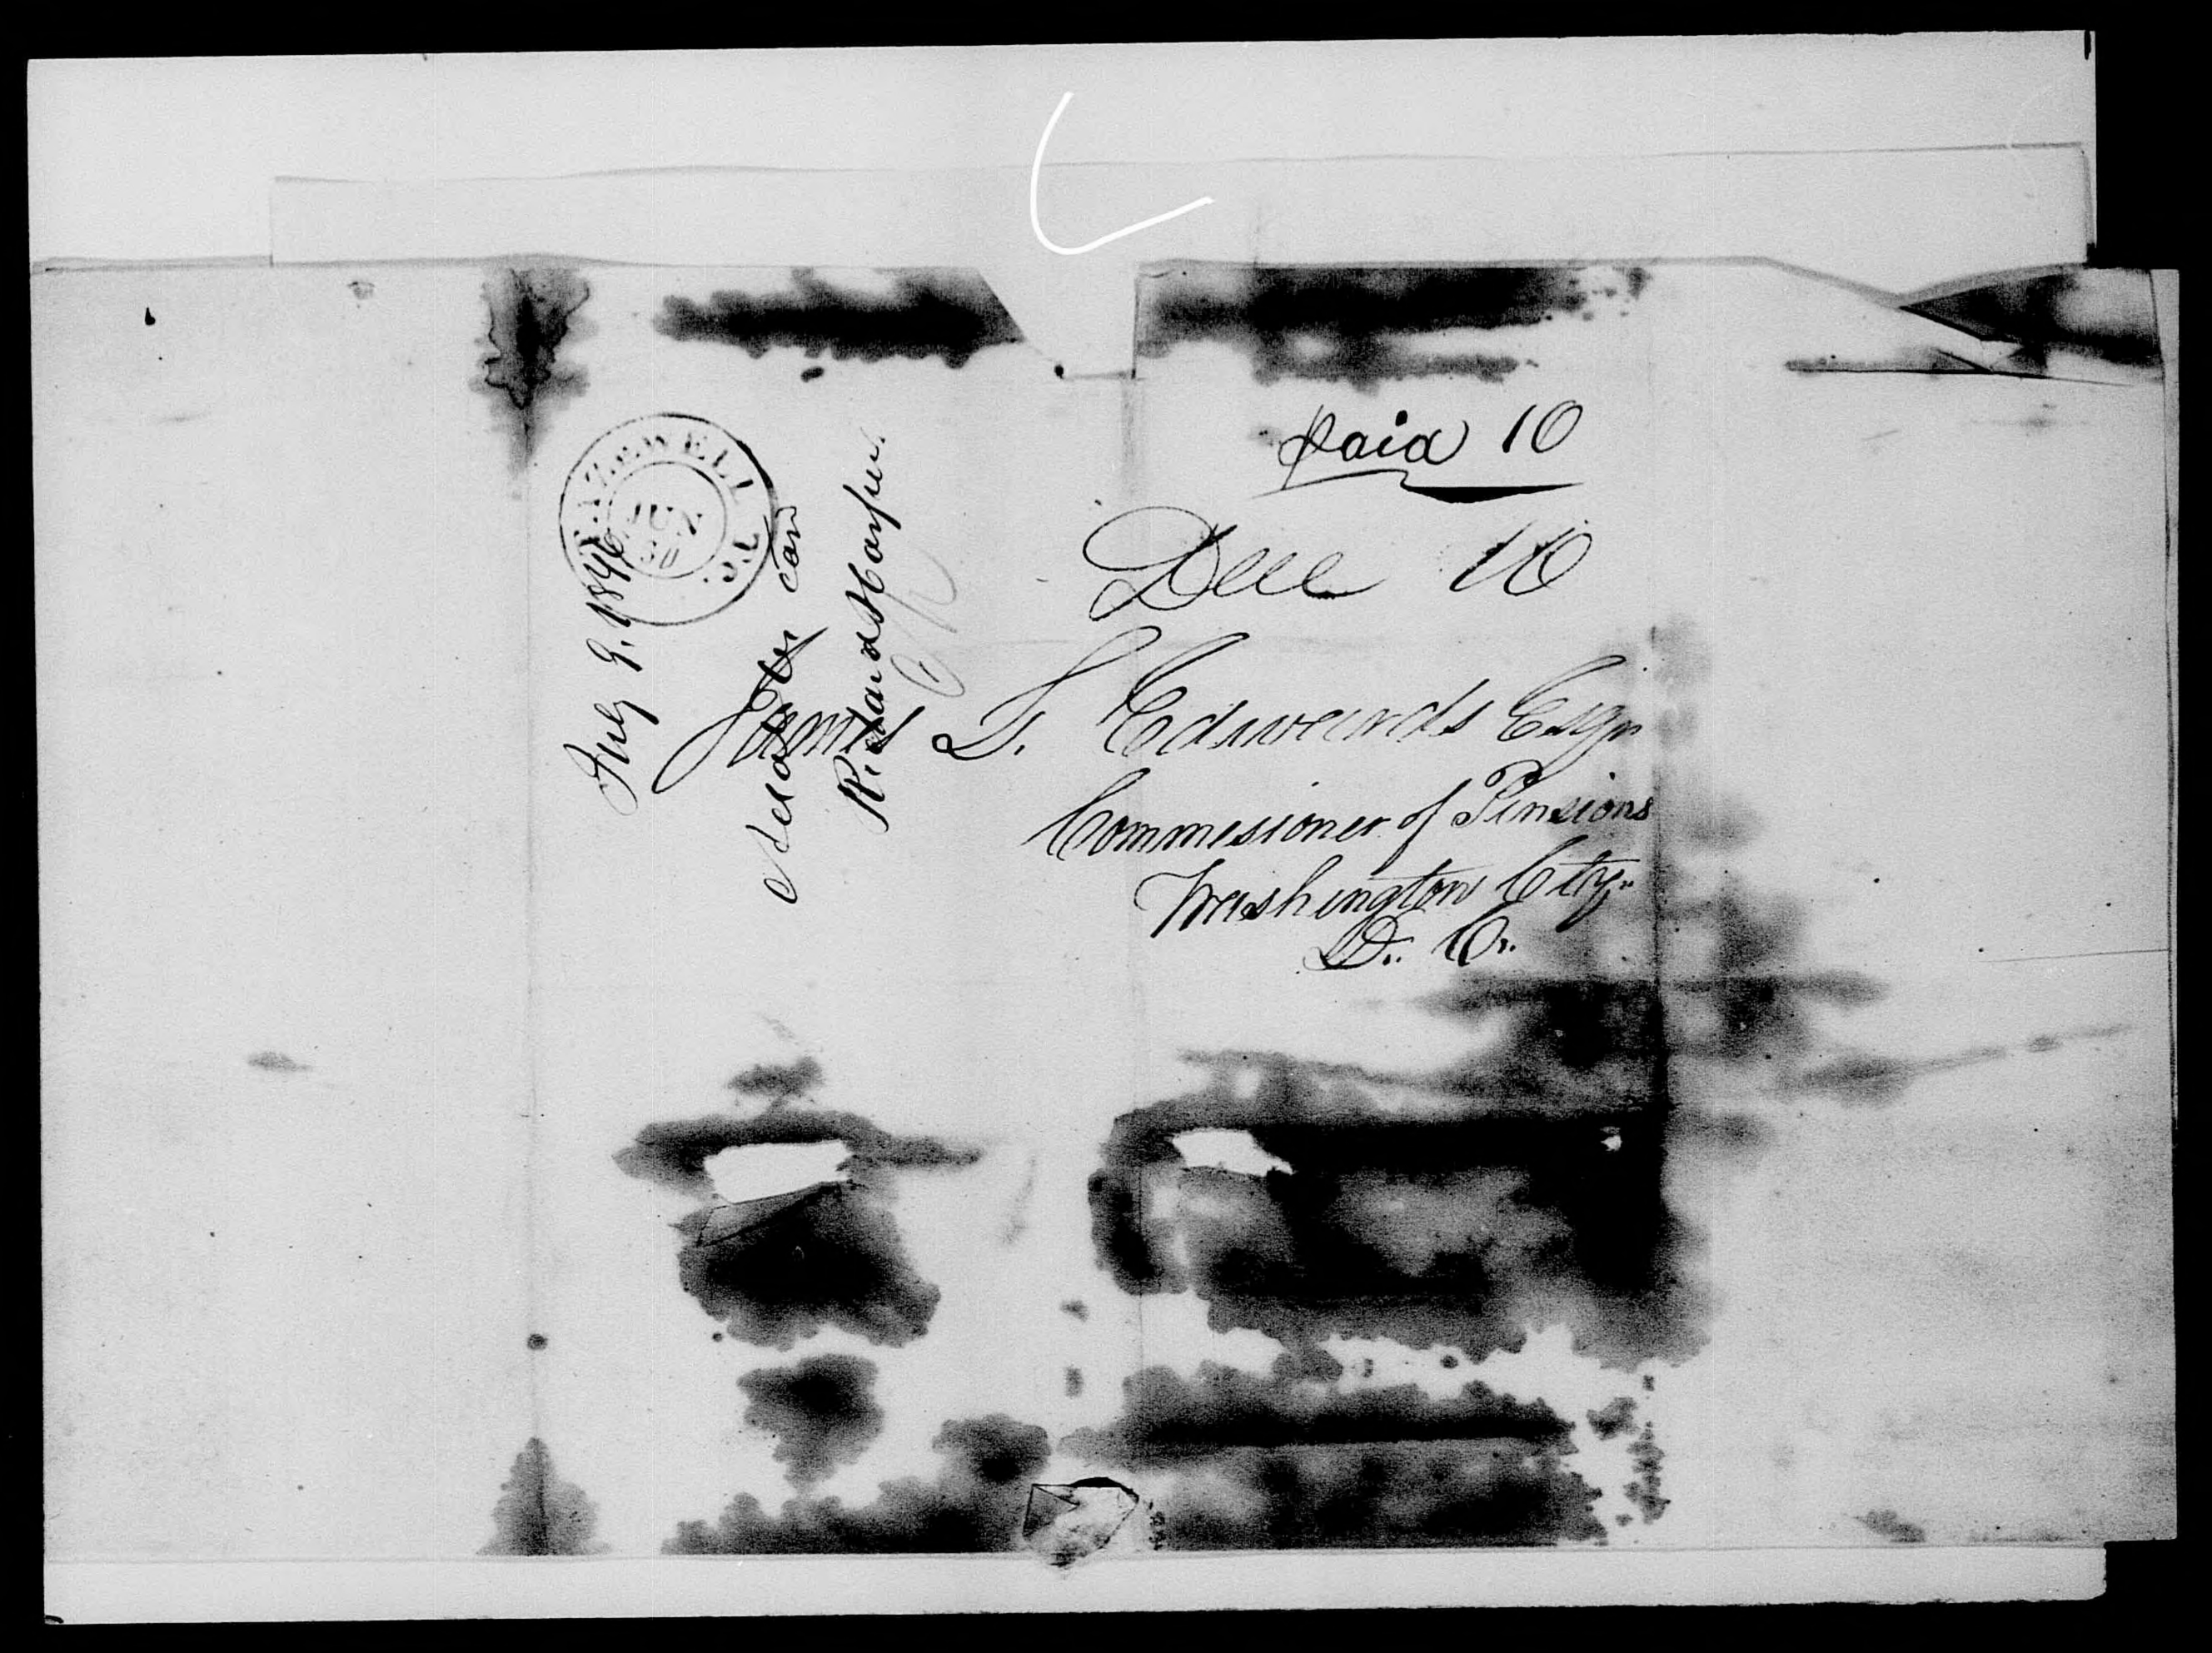Tazewell Te.
JUN 30
(POSTAL CANCELLATION STAMP)

July 9, 1846

[illegible]
Richard Harper

Paid 10
[illegible]
James L Edwards Esqr
Commisioner of Pensions
Washington City
D. C.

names: James L Edwards, Richard Harper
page: 20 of 81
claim: survivor's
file: S. 1908, Richard Harper, N.C.